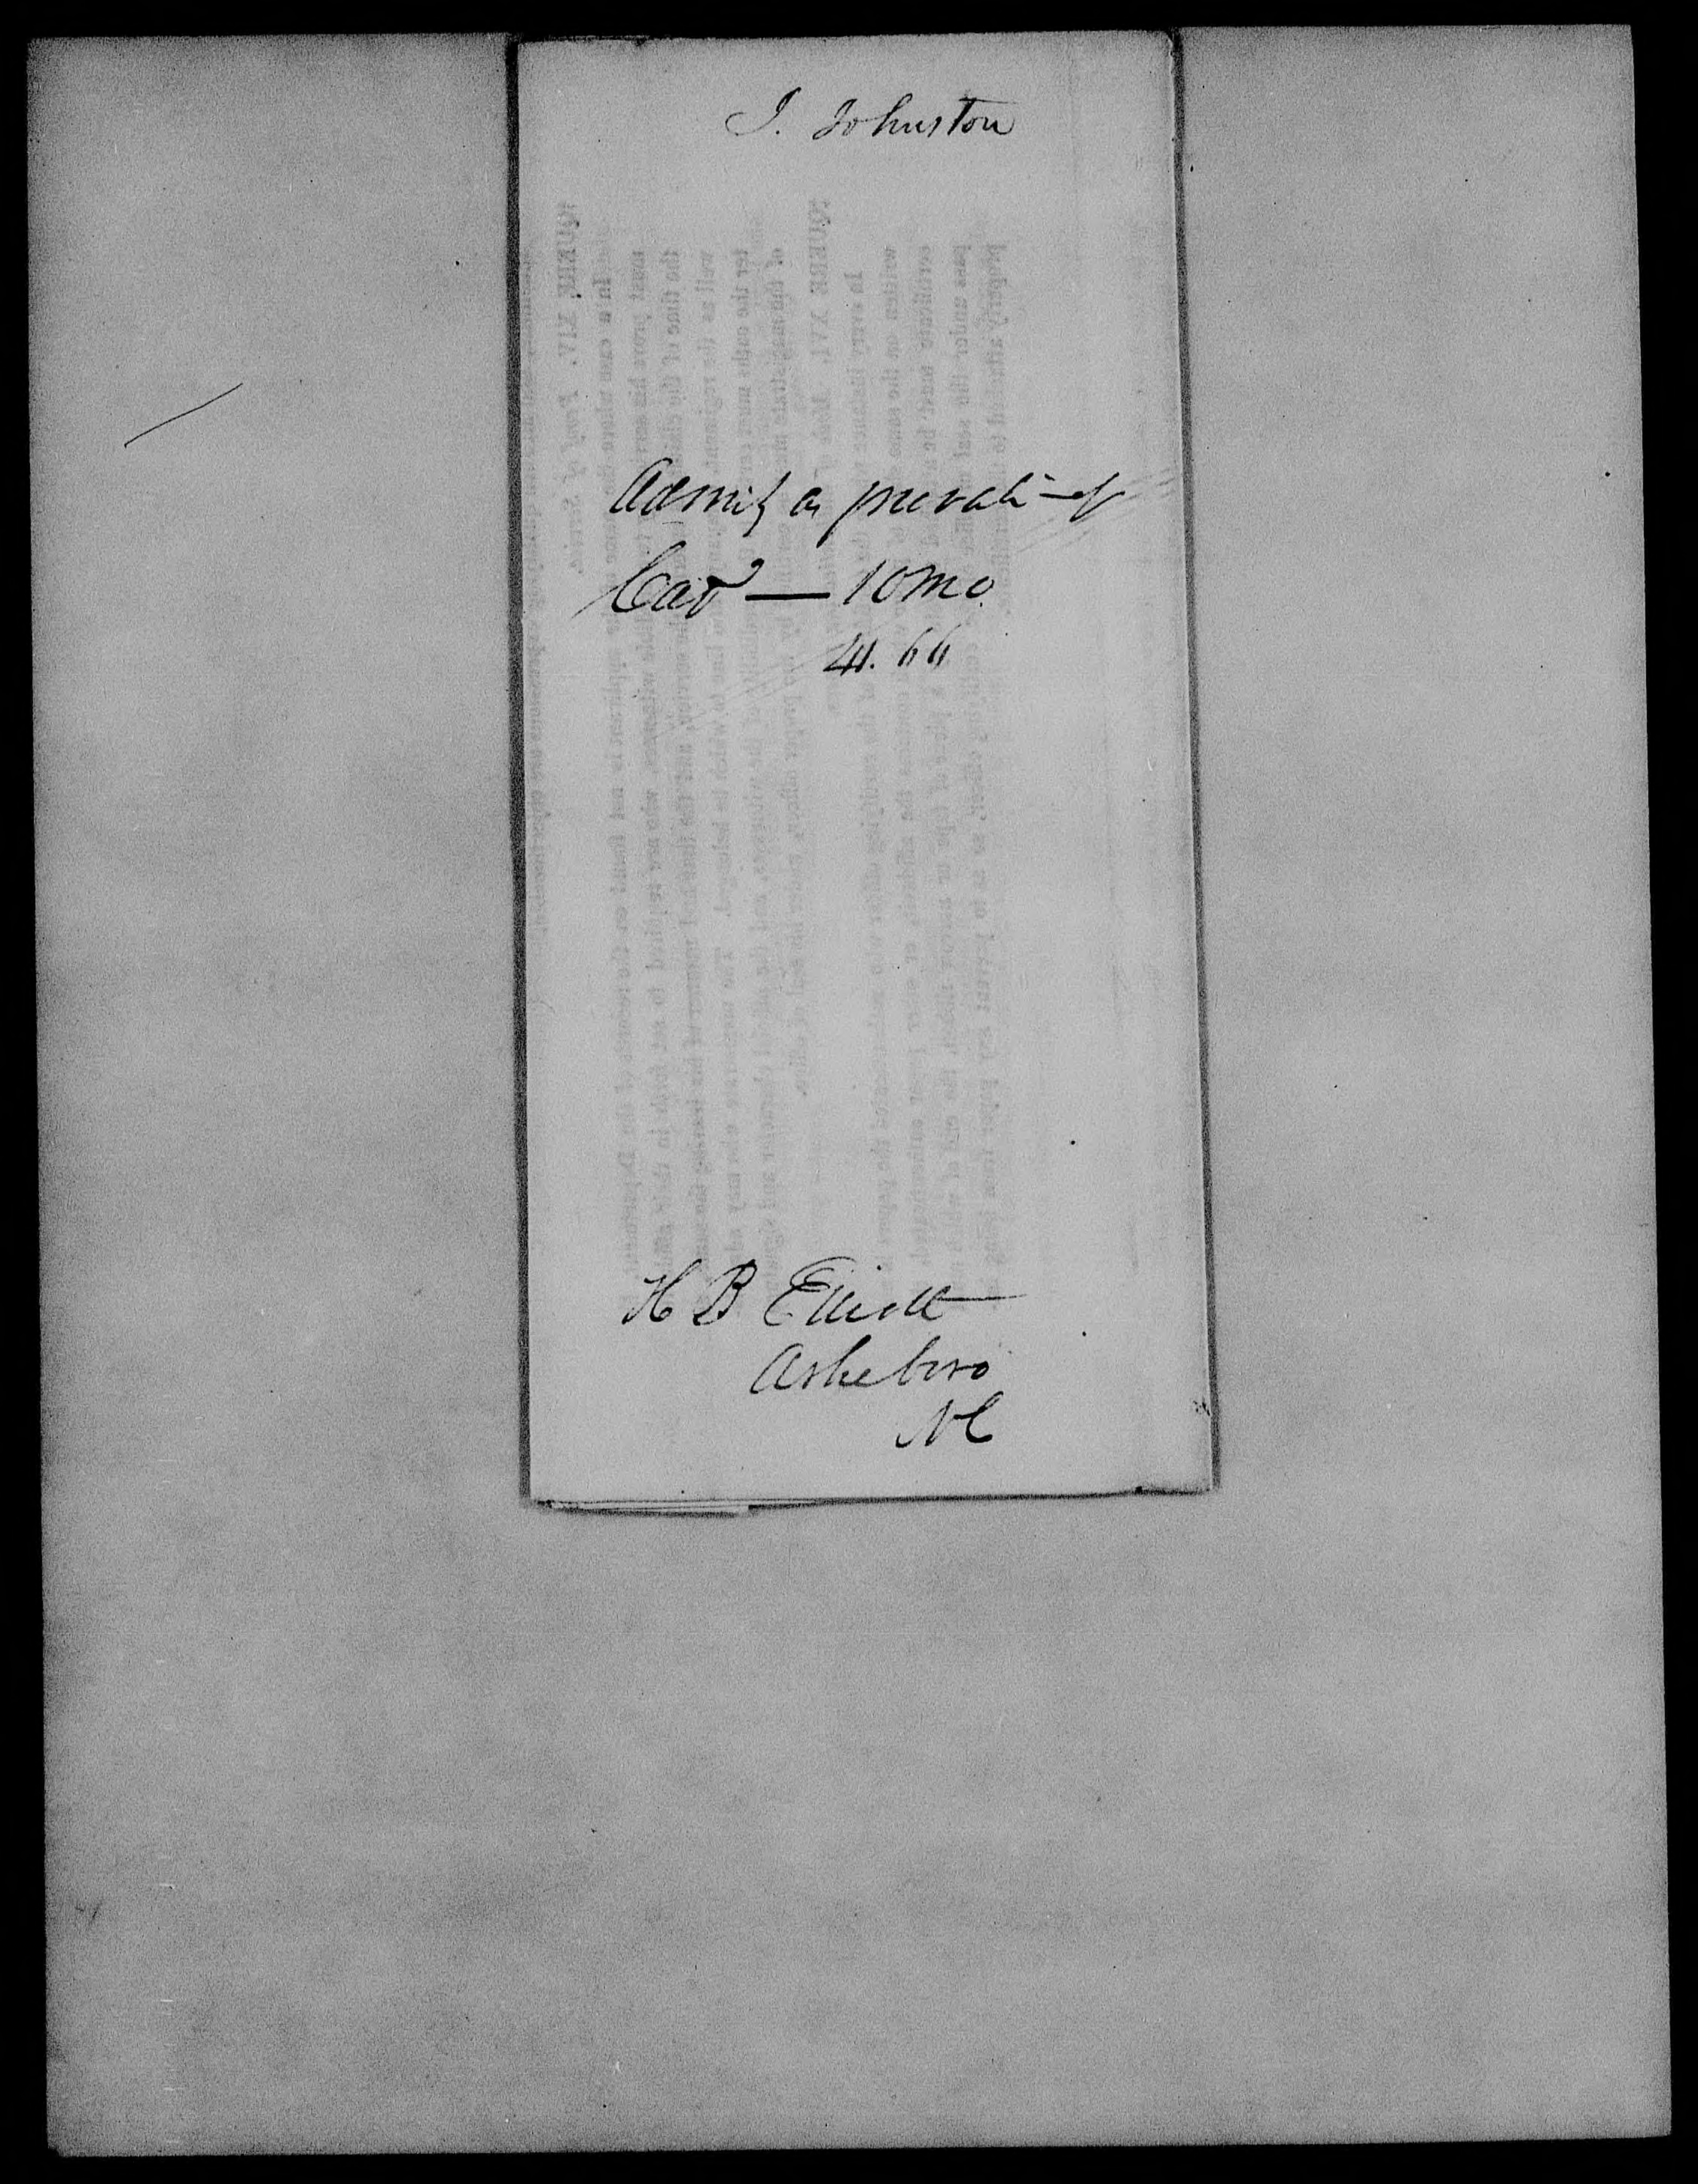J. Johnston

Admit as private of Cav. – 10 mo. 41.66

H. B. Elliott
Asheboro NC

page: 25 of 41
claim: widow's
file: W. 5033, for Joseph Johnston, North Carolina